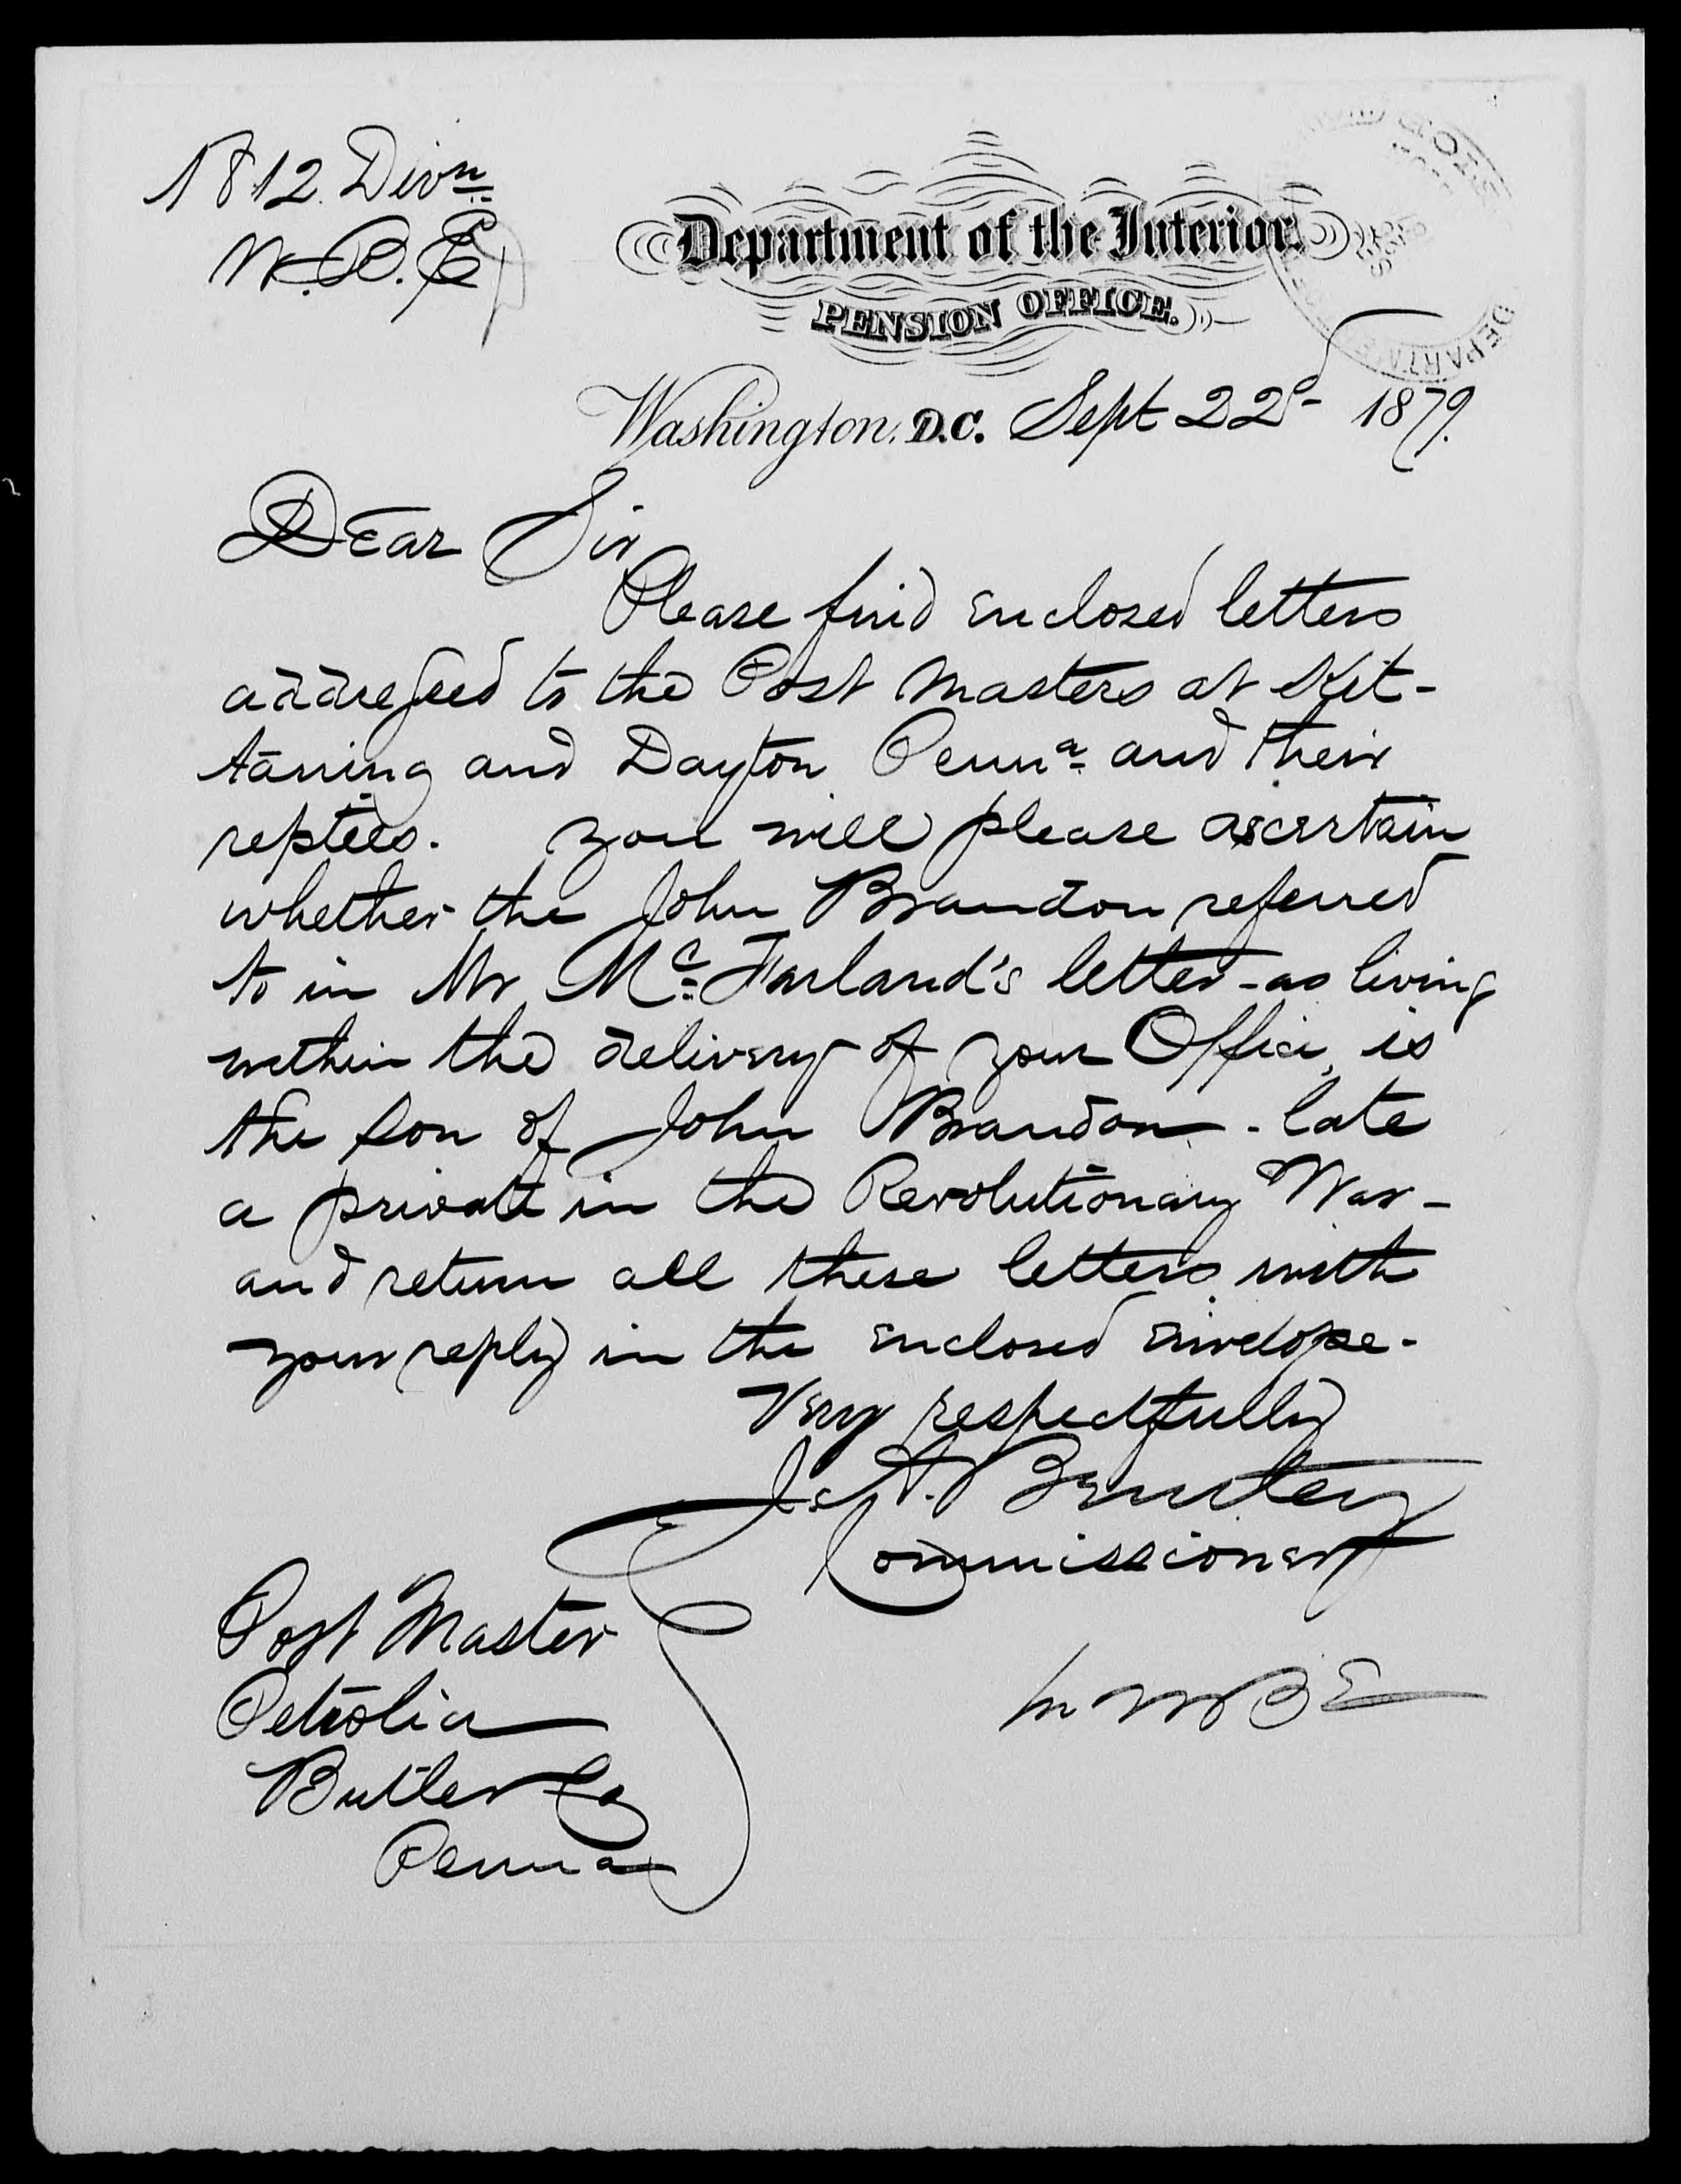1812 Divn.
W.B.E.

[stamp, upper right]
DEPARTMENT OF THE INTERIOR.
PENSION OFFICE.
SEP 26 1879

Department of the Interior.
PENSION OFFICE.
Washington, D.C. Sept 22- 1879.

Dear Sir
Please find enclosed letters addressed to the Poster Masters at Ketaning [Kittanning] and Dayton Penna. and their replies. You will please ascertain whether the John Brandon referred to in Mr McFinland's letter- as living within the delivery of your Office is the son of John Brandon, late a private in the Revolutionary War- and return all these letters with your reply in the enclosed envelope-
Very Respectfully
J.A. Bentley
Commissioner

Post Master
Petrolia
Butler Co
Penna

Jn(?) WBE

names: Mc Farland, John Brandon, John Brandon, J A Bentley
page: 61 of 83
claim: widow's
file: W. 5946, John Brandon, Penn